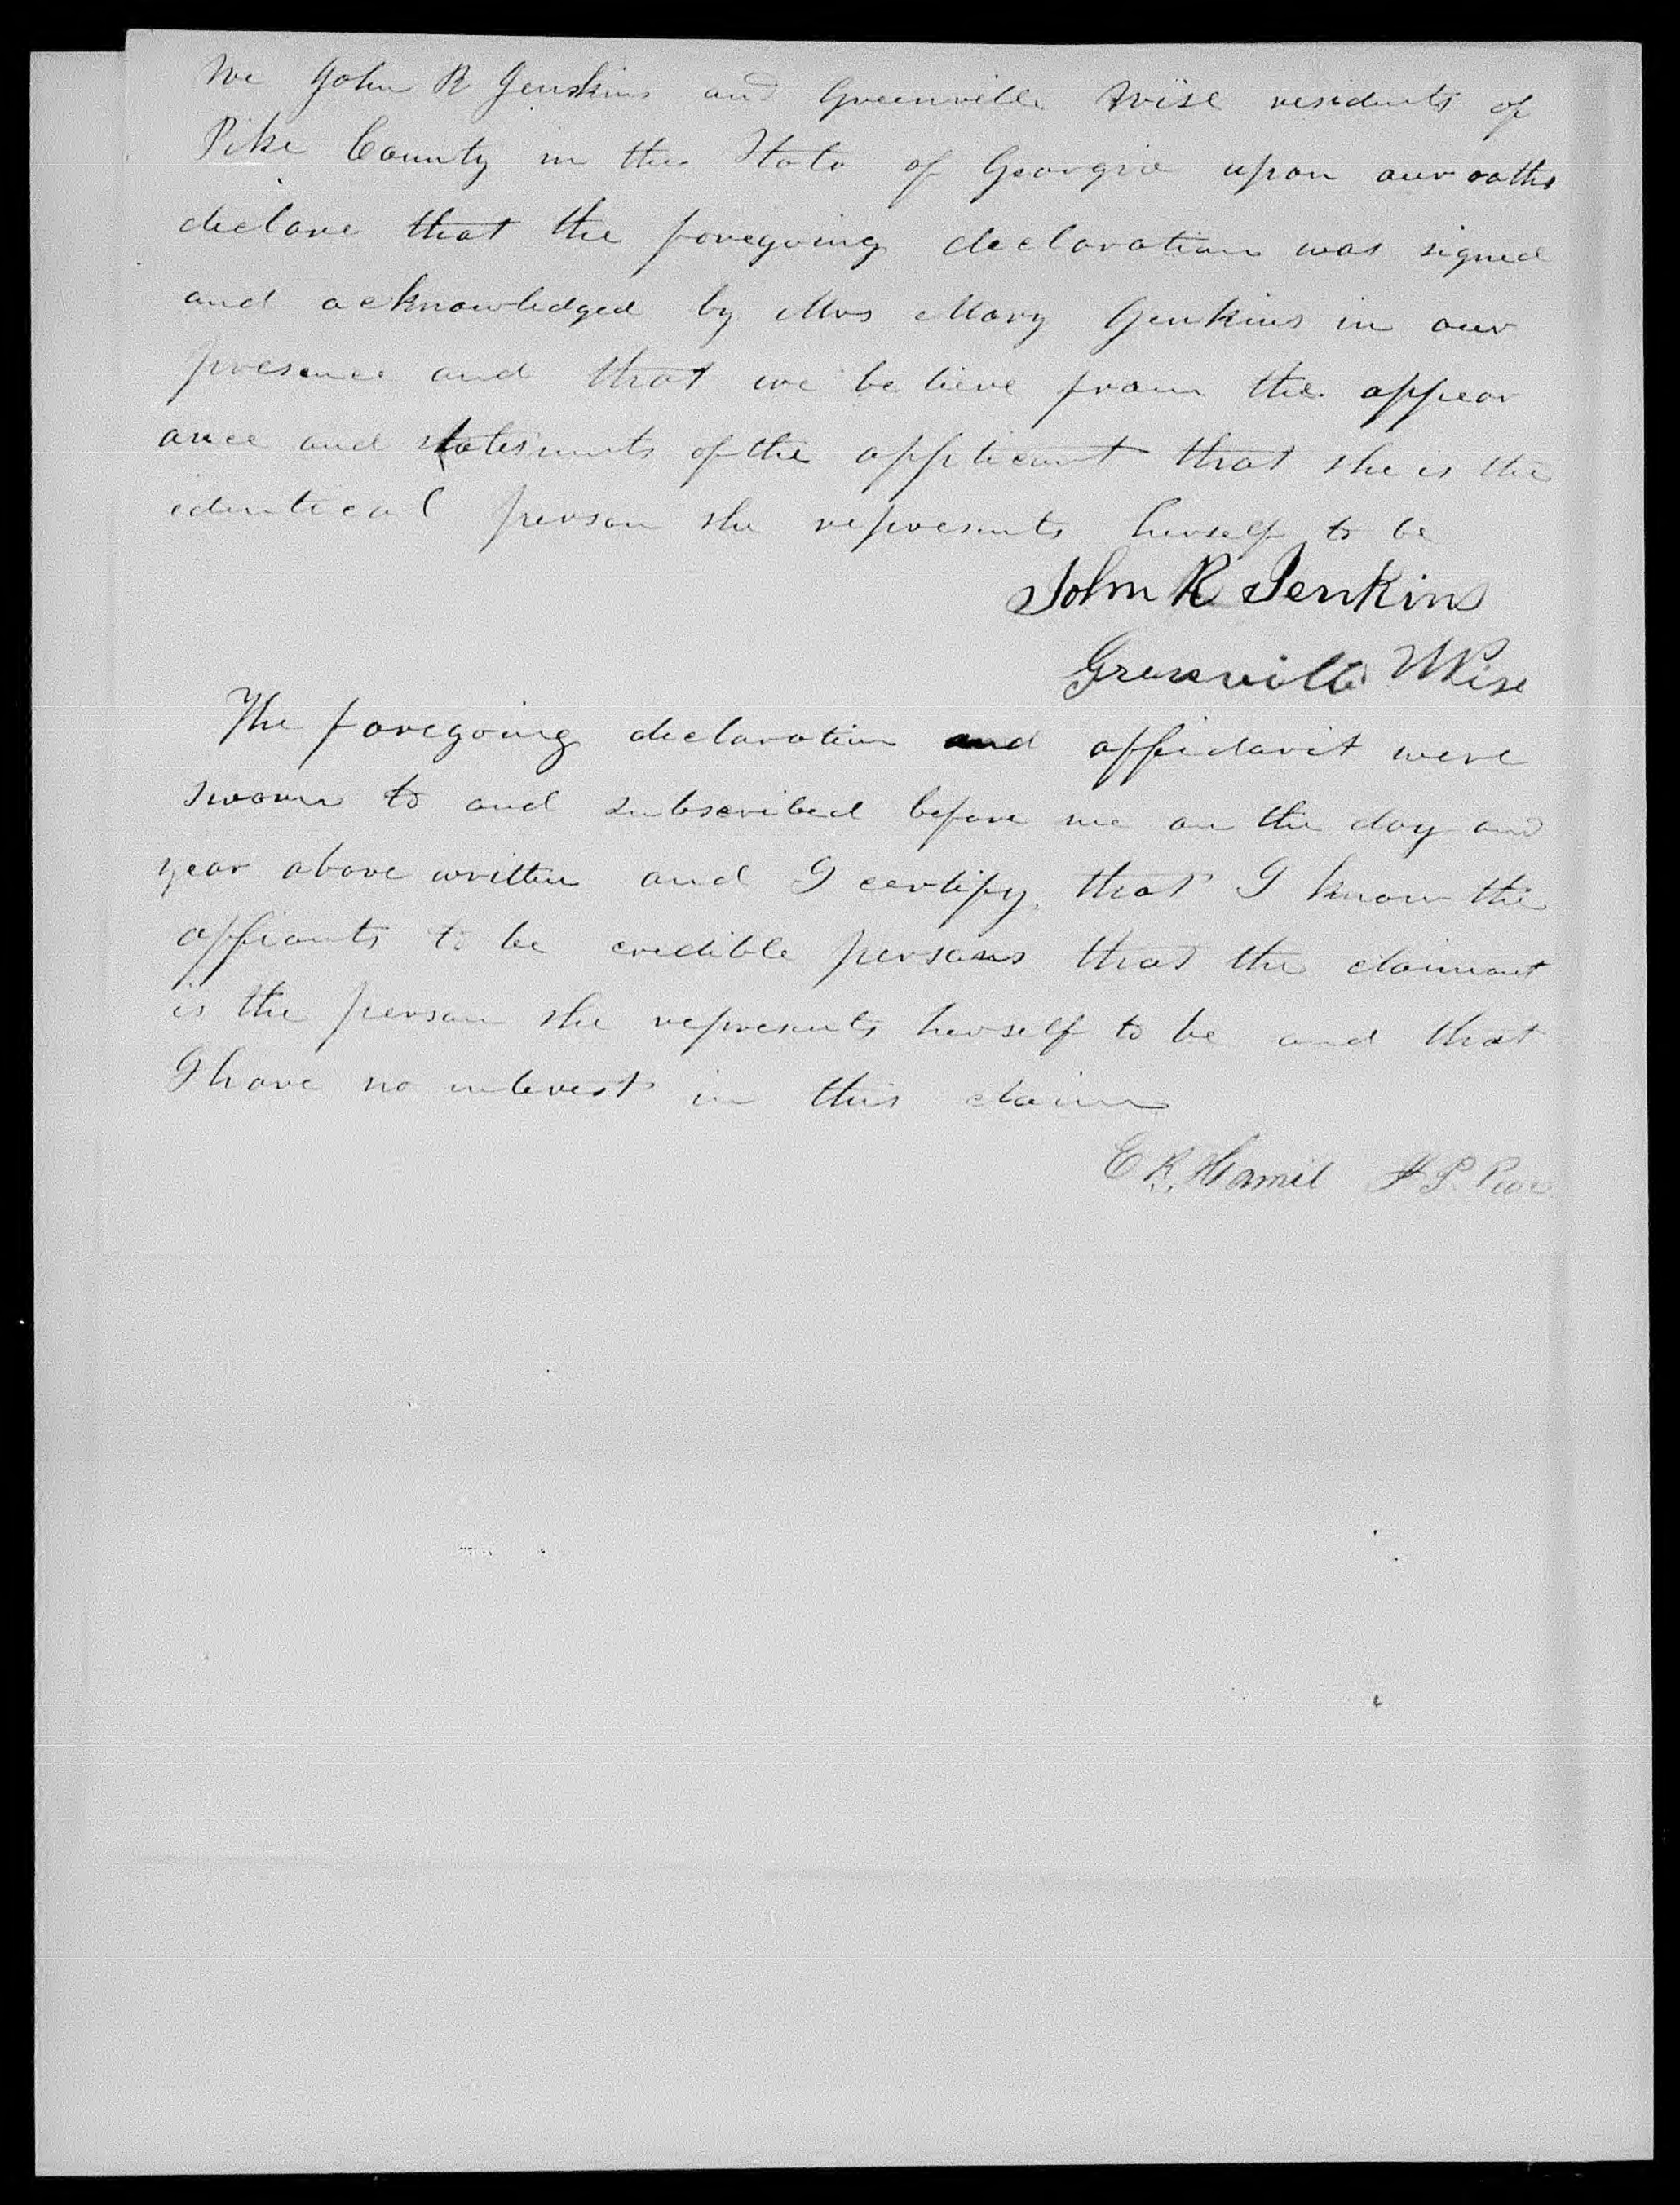We John R Jenkins and Greenville Wise residents of Pike County in the State of Georgia upon our oaths declare that the foregoing declaration was signed and acknowledged by Mrs Mary Jenkins in our presence and that we believe from the appearance and statements of the applicant that she is the identical person she represents
herself to be 
John R. Jenkins
Greenville Wise
The foregoing declaration and affidavit were
Sworn to and subscribed before me on the day and year above written and I certify, that I know the affiants to be credible persons that the claimant is the person she represents herself to be and that I have no interest this claim
E. R. Hamil J P [illegible]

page: 18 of 55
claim: widow's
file: W. 7894, for John Jenkins, Virginia